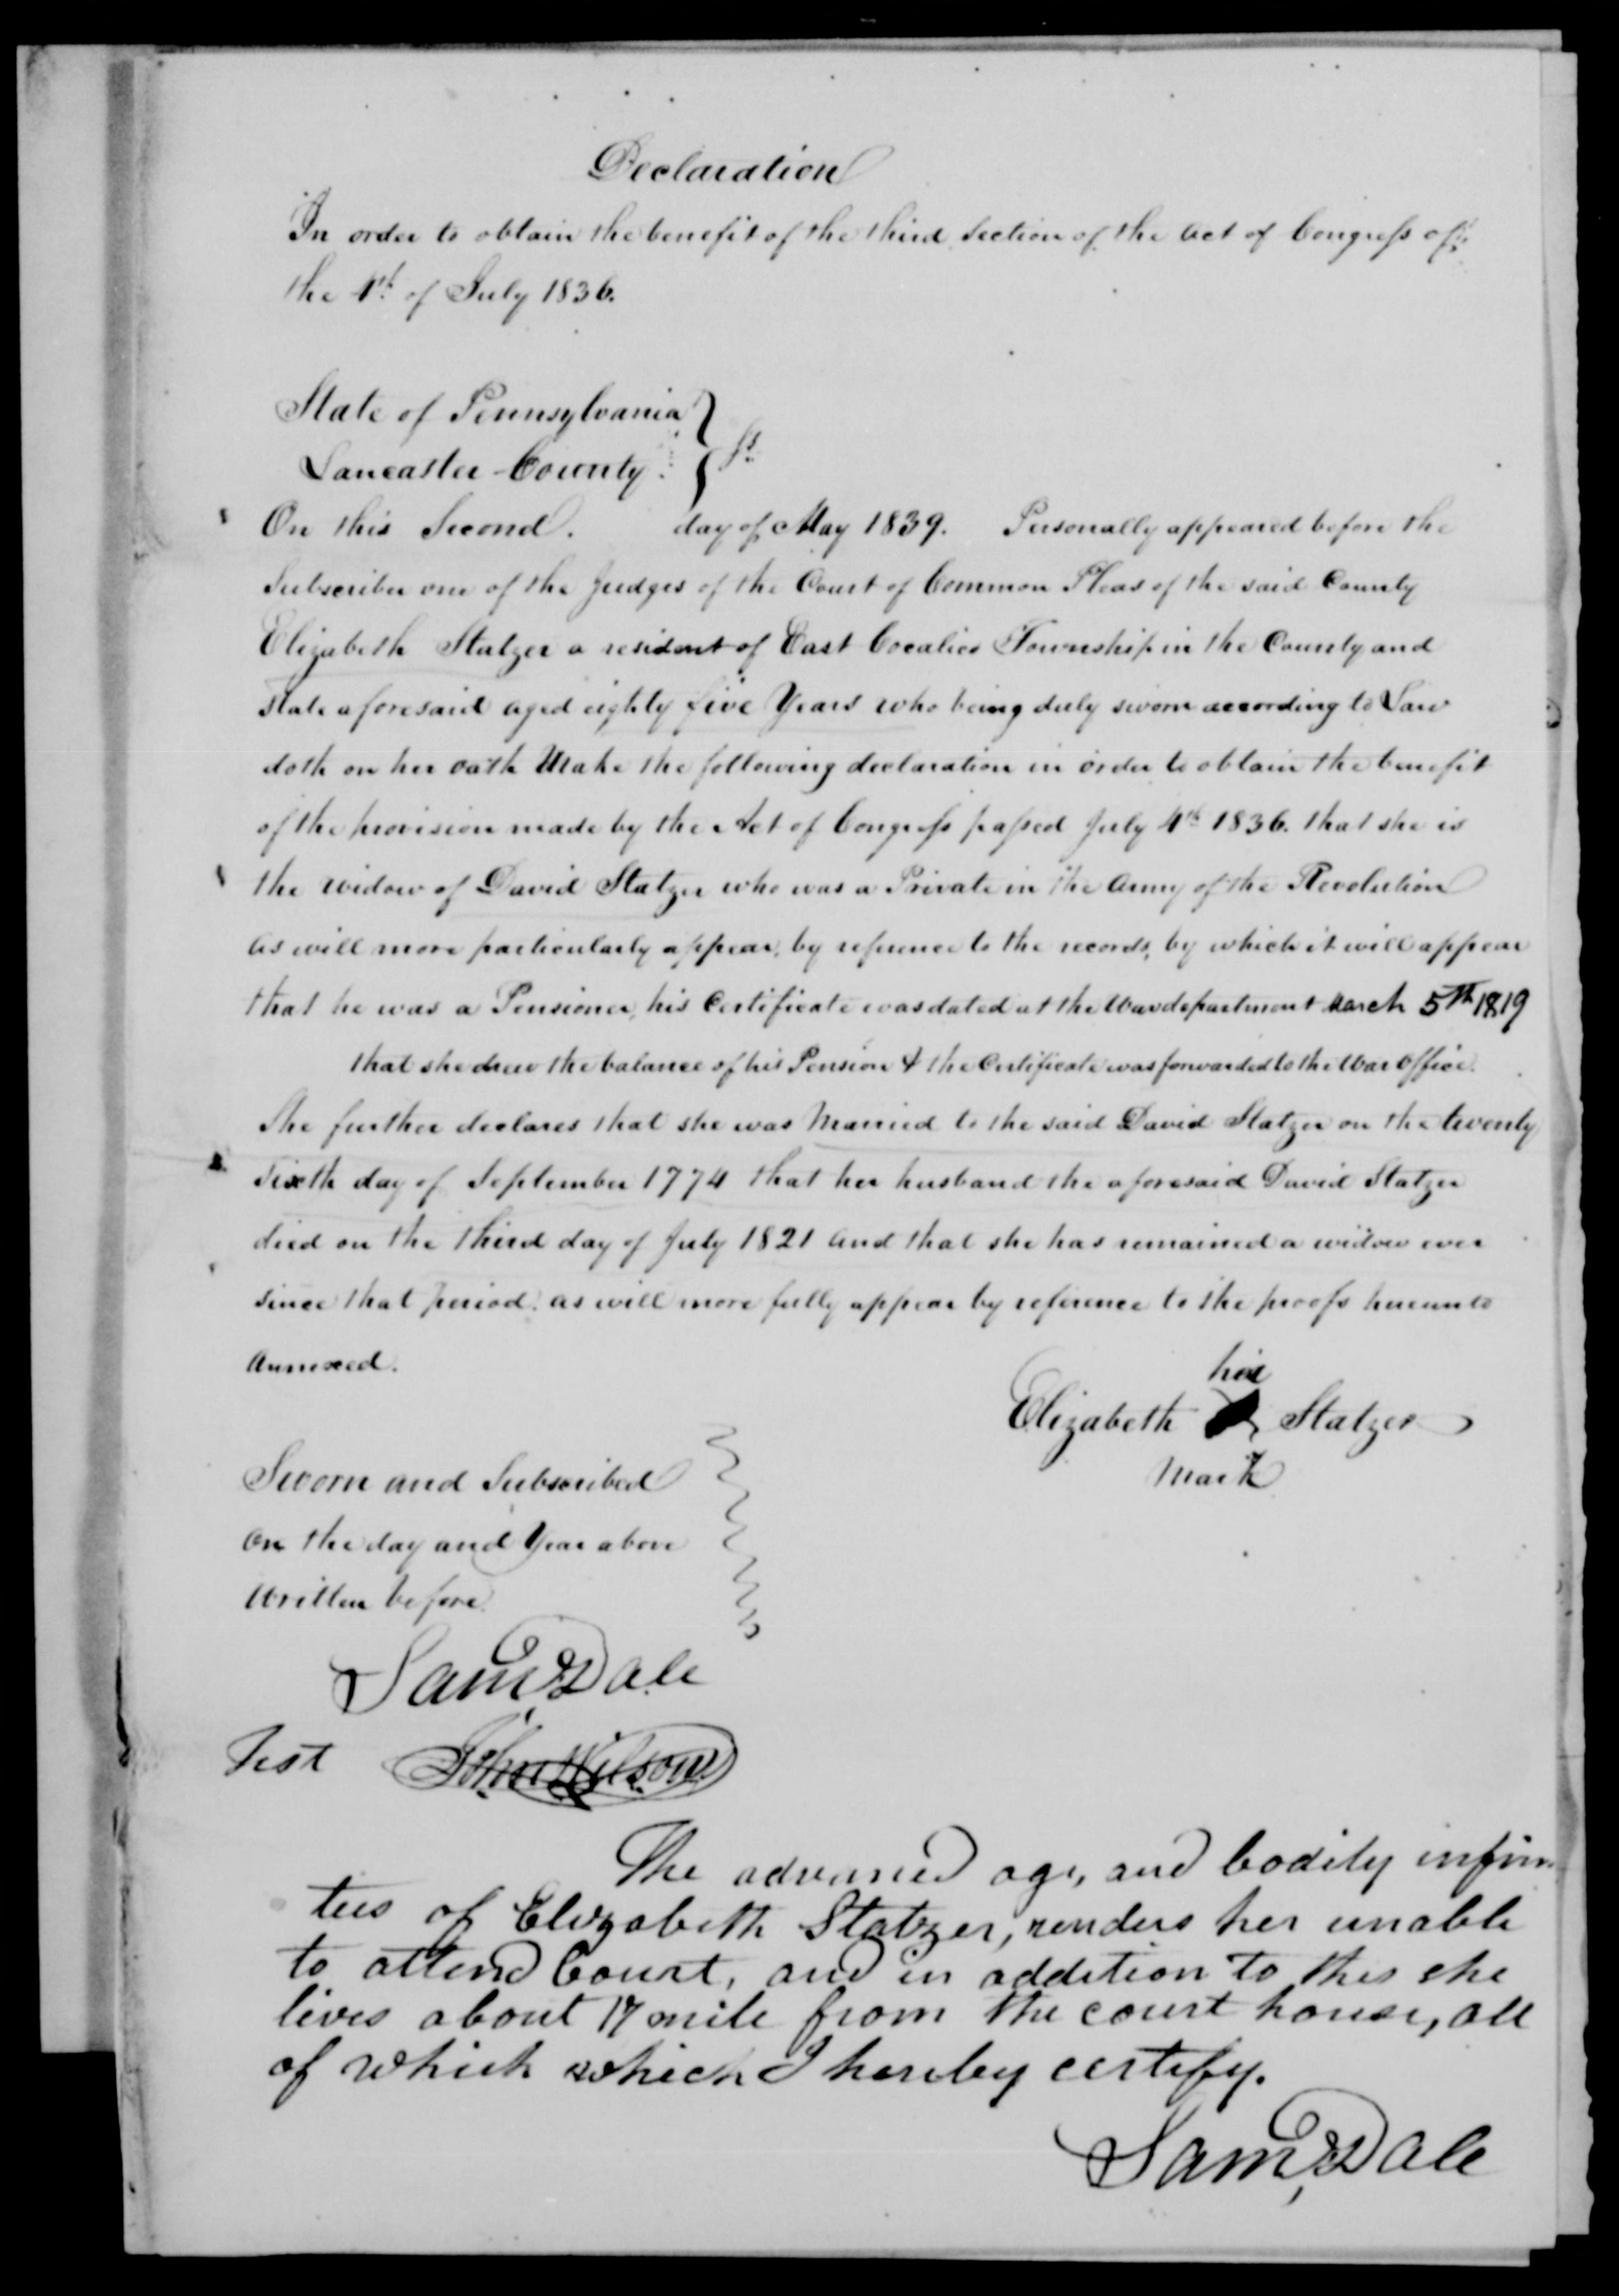Declaration
In order to obtain the benefit of the third section of the act of Congress of the 4th of July 1836.
State of Pennsylvania
Lancaster County, SS.
On this second day of May 1839, personally appeared before the subscriber, one of the Judges of the Court of Common Pleas of the said County, Elizabeth Statzer, a resident of East Cocalico Township in the County and State aforesaid, aged eighty five years, who being duly sworn according to Law doth on her oath make the following declaration in order to obtain the benefit of the provision made by the Act of Congress passed July 4th 1836:  That she is the widow of David Statzer who was a Private in the Army of the Revolution as will more particularly appear by reference to the records, by which it will appear that he was a Pensioner, his certificate was dated at the War department March 5th 1819; that she drew the balance of his Pension and the Certificate was forwarded to the War Office.
She further declares that she was married to the said David Statzer on the twenty-sixth day of September 1774, that her husband the aforesaid David Statzer, died on the third day of July 1821 and that she has remained a widow since that period, as will more fully appear by reference to the proofs hereunto annexed.
Elizabeth Statzer [her mark]
Sworn and Subscribed on the day and year above written before.
Saml. Dale
John Wilson
The advanced age, and bodily infirmities of Elizabeth Statzer, renders her unable to attend Court, and in addition to this, she lives about 17 miles from the courthouse, all of which I hereby certify.
Saml. Dale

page: 14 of 28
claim: widow's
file: W. 3163, for David Statser, Pennsylvania